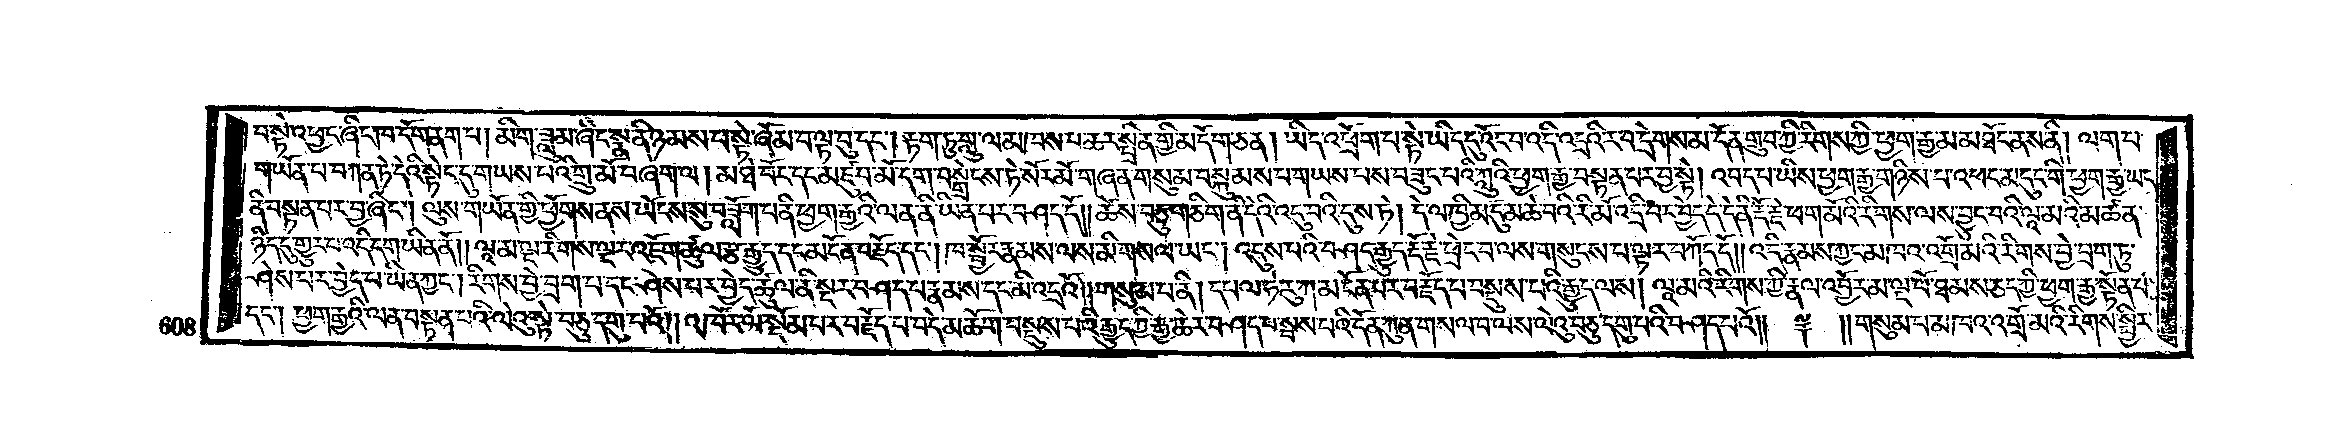བ་སྟེ་འཕྱང་ཞིང་ཁ་དོག་ནག་པ། མིག་ཟླུམ་ཞིང་སྣ་ནི་ཉམས་པ་སྟེ་ཞོམ་བ་ལྟ་བུ་དང་། རྟག་ཏུ་གླུ་ལ་མཁས་པ་ཆར་སྤྲིན་གྱི་མདོག་ཅན། ཡིད་འཕྲོག་པ་སྟེ་ཡིད་དུ་འོང་བ་འདི་འདྲའི་རབ་དྲེགས་མ་དོན་གྲུབ་ཀྱི་རིགས་ཀྱི་ཕྱག་རྒྱ་མ་མཐོང་ནས་ནི། ལག་པ་
གཡོན་པ་བཀན་ཏེ་དེའི་སྟེང་དུ་གཡས་པའི་གྲུ་མོ་བཞག་ལ། མཐེ་བོང་དང་མཛུབ་མོ་དག་བསྒྲེངས་ཏེ་སོར་མོ་གཞན་གསུམ་བསྐུམས་པ་གཡས་པས་བཟུང་པའི་ཀླུའི་ཕྱག་རྒྱ་བསྟན་པར་བྱ་སྟེ། འབད་པ་ཡིས་ཕྱག་རྒྱ་གཉིས་པ་འཕང་མདུང་གི་ཕྱག་རྒྱ་ཡང་
ནི་བསྟན་པར་བྱ་ཞིང་། ལུས་གཡོན་གྱི་ཕྱོགས་ནས་ཡོངས་སུ་བཟློག་པ་ནི་ཕྱག་རྒྱའི་ལན་ནི་ཡིན་པར་བཤད་དོ། །ཚེས་བཅུ་གཅིག་ནི་དེའི་འདུ་བའི་དུས་ཏེ། དེ་ལ་ཁྱིམ་དུ་མཆེ་བའི་རི་མོ་འདྲི་བར་བྱེད་དེ་དེ་ནི་རྡོ་རྗེ་ཕག་མོའི་རིགས་ལས་བྱུང་བའི་ལཱ་མའི་མཚན་
ཉིད་དུ་གྱུར་པ་འདི་དག་ཡིན་ནོ། །ལཱ་མ་ལྔ་རིགས་ལྔར་འཇོག་ཚུལ་རྩ་རྒྱུད་དང་མངོན་བརྗོད་དང་། ཁ་སྦྱོར་རྣམས་ལས་མི་གསལ་ཡང་། འདུས་པའི་བཤད་རྒྱུད་རྡོ་རྗེ་ཕྲེང་བ་ལས་གསུངས་པ་ལྟར་བཀོད་དོ། །འདི་རྣམས་ཀྱང་མཁའ་འགྲོ་མའི་རིགས་བྱེ་བྲག་ཏུ་
ཤེས་པར་བྱེད་པ་ཡིན་ཀྱང་། རིགས་བྱེ་བྲག་པ་དང་ཤེས་པར་བྱེད་ཚུལ་ནི་སྔར་བཤད་པ་རྣམས་དང་མི་འདྲའོ། །གསུམ་པ་ནི། དཔལ་ཧེ་རུ་ཀ་མངོན་པར་བརྗོད་པ་བསྡུས་པའི་རྒྱུད་ལས། ལཱ་མའི་རིགས་ཀྱི་རྣལ་འབྱོར་མ་ལྔ་པོ་ཐམས་ཅད་ཀྱི་ཕྱག་རྒྱ་སྟོན་པ་
དང་། ཕྱག་རྒྱའི་ལན་བསྟན་པའི་ལེའུ་སྟེ་བཅུ་དགུ་པའོ། །འཁོར་ལོ་སྡོམ་པར་བརྗོད་པ་བདེ་མཆོག་བསྡུས་པའི་རྒྱུད་ཀྱི་རྒྱ་ཆེར་བཤད་པ་སྦས་པའི་དོན་ཀུན་གསལ་བ་ལས་ལེའུ་བཅུ་དགུ་པའི་བཤད་པའོ།། ༈ །།གསུམ་པ་མཁའ་འགྲོ་མའི་རིགས་སྤྱིར་